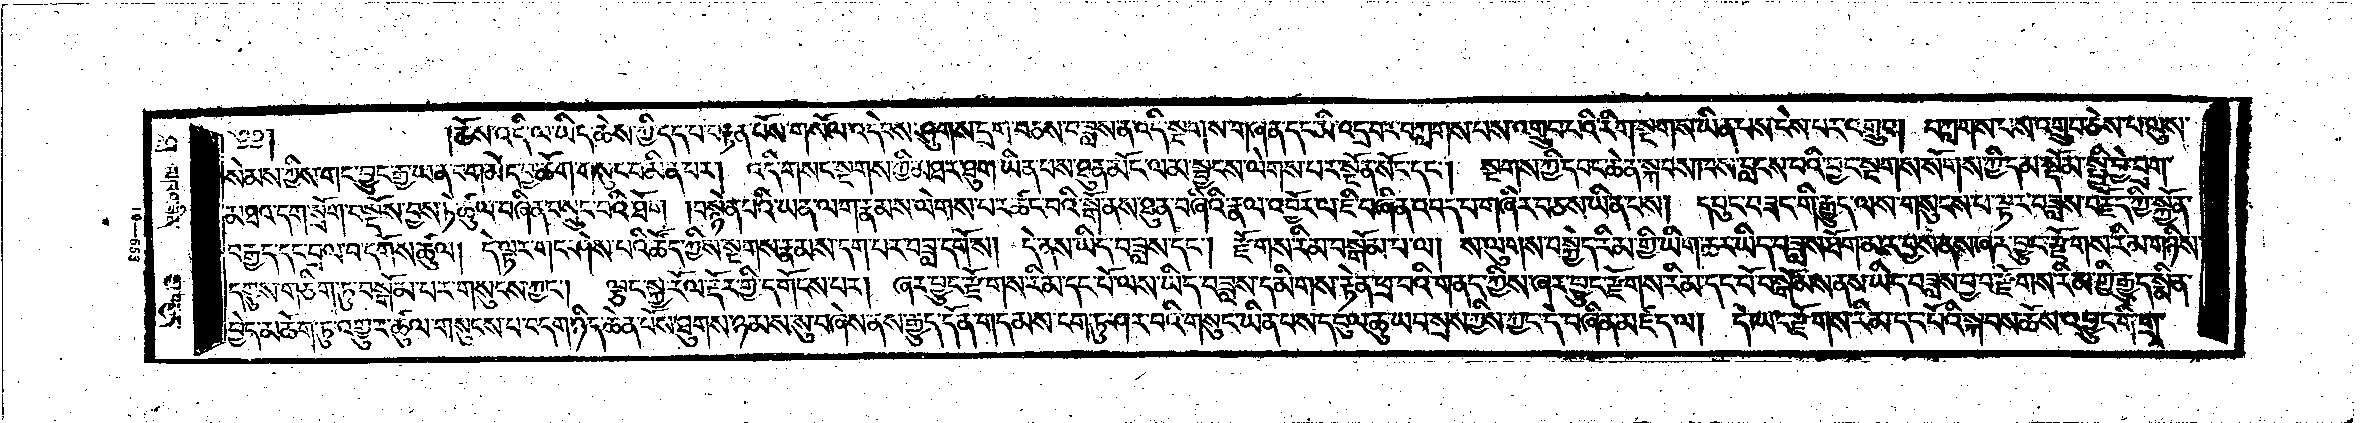༄༅། །ཆོས་འདི་ལ་ཡིད་ཆེས་ཀྱི་དད་པ་བརྟན་པོས་གསོལ་འདེབས་ཤུགས་དྲག་བཅས་བཟླས་ན་འདི་སྔགས་གཞན་དང་མི་འདྲ་བར་བཀླགས་པས་འགྲུབ་བའི་རིག་སྔགས་ཡིན་པས་ངེས་པར་འགྲུབ། བཀླགས་པས་འགྲུབ་ཅེས་པ་ལུས་
སེམས་ཀྱིས་གང་བྱུང་རྒྱ་ཡན་བག་མེད་བྱ་ཆོག་གསུང་བ་མིན་པར། འདི་གསང་སྔགས་ཀྱི་མཐར་ཐུག་ཡིན་པས་ཐུན་མོང་ལམ་སྦྱངས་ལེགས་པར་སྔོན་སོང་དང་། སྔགས་ཀྱི་དབང་ཆེན་སྐབས་ཁས་བླངས་པའི་བྱང་སྔགས་སོགས་ཀྱི་དམ་སྡོམ་སྤྱི་བྱེ་བྲག་
མཐའ་དག་སྲོག་བསྔོས་བྱས་ཏེ་ཚུལ་བཞིན་བསྲུང་བའི་ཐོག །བསྙེན་པའི་ཡན་ལག་རྣམས་ལེགས་པར་ཚང་བའི་སྒོ་ནས་ཐུན་བཞིའི་རྣལ་འབྱོར་ལ་ཇི་བཞིན་འབད་པ་གཞིར་བཅས་ཡིན་པས། དཔུང་བཟང་གི་རྒྱུད་ལས་གསུངས་པ་ལྟར་བཟླས་བརྗོད་ཀྱི་སྐྱོན་
བརྒྱད་དང་བྲལ་བ་དགོས་ཚུལ། དེ་ལྟར་གང་ཤེས་པའི་ཚོད་ཀྱིས་སྔགས་རྣམས་དག་པར་བཟླ་དགོས། དེ་ནས་ཡིད་བཟླས་དང་། རྫོགས་རིམ་བསྒོམ་པ་ལ། ས་ལུགས་བསྐྱེད་རིམ་གྱི་ཡིག་ཆར་ཡིད་བཟླས་ཐོག་མར་བྱས་ནས་ཞར་བྱུང་རྫོགས་རིམ་གཉིས་
དཀྱུས་གཅིག་ཏུ་བསྒོམ་པར་གསུངས་ཀྱང་། ལྕང་སྐྱ་རོལ་རྡོར་གྱི་དགོངས་པར། ཞར་བྱུང་རྫོགས་རིམ་དང་པོ་ལས་ཡིད་བཟླས་དམིགས་རྟེན་ཕྲ་བའི་གནད་ཀྱིས་ཞར་བྱུང་རྫོགས་རིམ་དང་པོ་བསྒོམས་ནས་ཡིད་བཟླས་བྱ་བ་རྫོགས་རིམ་གྱི་རྒྱུད་སྨིན་
བྱེད་མཆོག་ཏུ་འགྱུར་ཚུལ་གསུངས་པ་བདག་ཉིད་ཆེན་པོས་ཐུགས་ཉམས་སུ་བཞེས་ནས་རྒྱུད་དོན་གདམས་ངག་ཏུ་ཤར་བའི་གསུང་ཡིན་པས་དངུལ་ཆུ་ཡབ་སྲས་ཀྱིས་ཀྱང་དེ་བཞིན་མཛད་ལ། དེ་ཡང་རྫོགས་རིམ་དང་པོའི་སྐབས་ཆོས་འབྱུང་གི་གྲྭ་